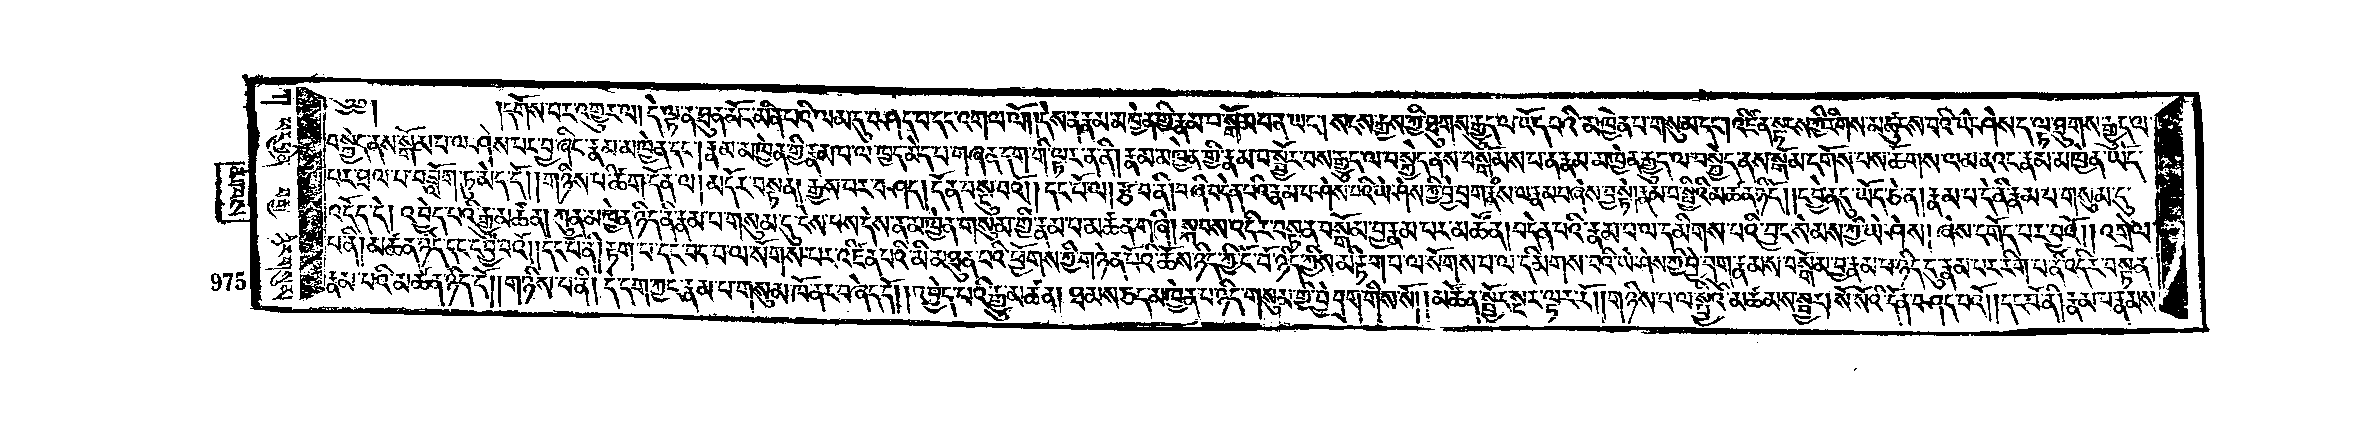༄༅། །དགོས་པར་འགྱུར་ལ། དེ་ལྟ་ན་ཐུན་མོང་མིན་པའི་ལམ་དུ་བཤད་པ་དང་འགལ་ལོ། །དེས་ན་རྣམ་མཁྱེན་གྱི་རྣམ་པ་སྒོམ་པ་ན་ཡང་། སངས་རྒྱས་ཀྱི་ཐུགས་རྒྱུད་ལ་ཡོད་པའི་མཁྱེན་པ་གསུམ་དང་། འཛིན་སྟངས་ཀྱི་རིགས་མཚུངས་པའི་ཡེ་ཤེས་ད་ལྟ་ཐུགས་རྒྱུད་ལ་
བསྐྱེད་ནས་སྒོམ་པ་ལ་ཤེས་པར་བྱ་ཞིང་རྣམ་མཁྱེན་དང་། རྣམ་མཁྱེན་གྱི་རྣམ་པ་ལ་ཁྱད་མེད་པ་གཞན་དག་གི་ལྟར་ན་ནི། རྣམ་མཁྱེན་གྱི་རྣམ་པ་སྦྱོར་བས་རྒྱུད་ལ་བསྐྱེད་ནས་བསྒོམས་པ་ན་རྣམ་མཁྱེན་རྒྱུད་ལ་བསྐྱེད་ནས་སྒོམ་དགོས་པས་ཆོགས་ལམ་ནའང་རྣམ་མཁྱེན་ཡོད་
པར་ཐལ་པ་བཟློག་ཏུ་མེད་དོ། །གཉིས་པ་ཚིག་དོན་ལ། མདོར་བསྟན། རྒྱས་པར་བཤད། དོན་བསྡུ་བའོ། །དང་པོ་ལ། རྩ་བ་ནི། བཞི་བདེན་པའི་རྣམ་པ་ཤེས་པའི་ཡེ་ཤེས་ཀྱི་བྱེ་བྲག་རྣམས་ལ་རྣམ་པ་ཞེས་བྱ་སྟེ། རྣམ་པ་སྤྱིའི་མཚན་ཉིད་དོ། །དབྱེ་ན་དུ་ཡོད་ཅེ་ན་དེ་ནི་རྣམ་པ་གསུམ་དུ་
འདོད་དེ། འབྱེད་པའི་རྒྱུ་མཚན། ཀུན་མཁྱེན་ཉིད་ནི་རྣམ་པ་གསུམ་དུ་ངེས་པས་དེས་ན་མཁྱེན་གསུམ་གྱི་རྣམ་པ་མཚན་གཞི། སྐབས་འདིར་བསྟན་བསྒོམ་བྱ་རྣམ་པར་མཚོན། བདེན་པའི་རྣམ་པ་ལ་དམིགས་པའི་བྱང་སེམས་ཀྱི་ཡེ་ཤེས། ཞེས་དགོད་པར་བྱའོ། །འགྲེལ་
པ་ནི། མཚན་ཉིད་དང་དབྱེ་བའོ། །དང་པོ་ནི། རྟག་པ་དང་བདེ་བ་ལ་སོགས་པར་འཛིན་པའི་མི་མཐུན་པའི་ཕྱོགས་ཀྱི་གཉེན་པོའི་ཆོས་ཉིད་ཀྱི་ངོ་བོ་ཉིད་ཀྱིས་མི་རྟག་པ་ལ་སོགས་པ་ལ་དམིགས་པའི་ཡེ་ཤེས་ཀྱི་བྱེ་བྲག་རྣམས་བསྒོམ་བྱ་རྣམ་པ་ཉིད་དུ་རྣམ་པར་རིག་པ་ནི་འདིར་བསྟན་
རྣམ་པའི་མཚན་ཉིད་དོ། །གཉིས་པ་ནི། དེ་དག་ཀྱང་རྣམ་པ་གསུམ་ཁོ་ནར་བཞེད་དོ། །འབྱེད་པའི་རྒྱུ་མཚན། ཐམས་ཅད་མཁྱེན་པ་ཉིད་གསུམ་གྱི་བྱེ་བྲག་གིས་སོ། །མཚོན་སྦྱོར་སྔར་ལྟར་རོ། །གཉིས་པ་ལ་སྤྱིའི་མཚམས་སྦྱར། སོ་སོའི་དོན་བཤད་པའོ། །དང་པོ་ནི། རྣམ་པ་རྣམས་